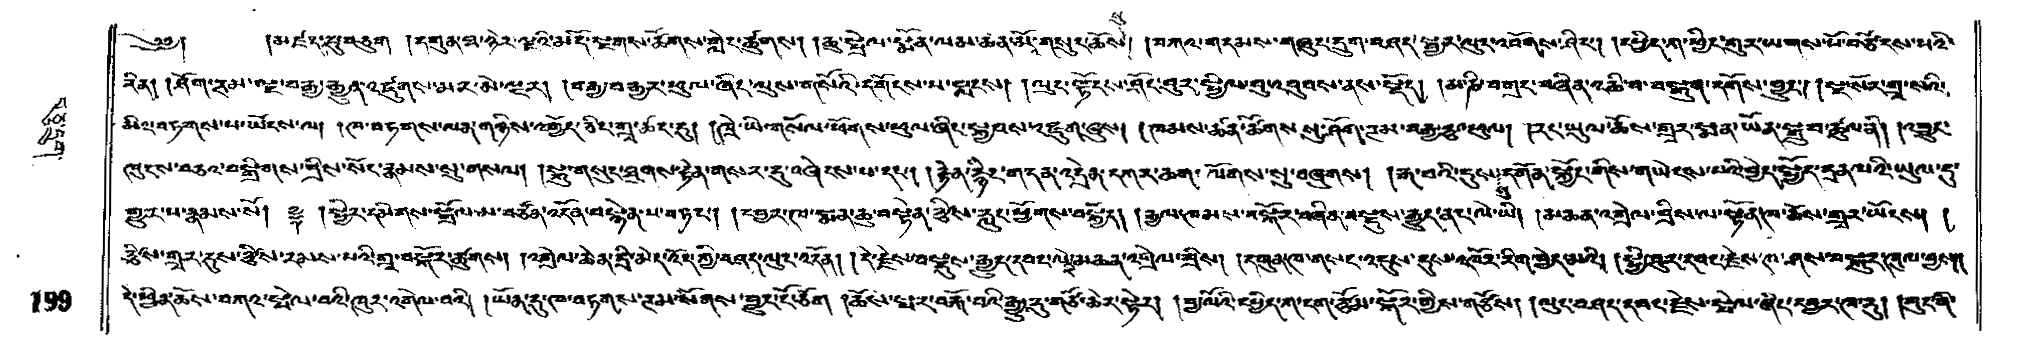༄༅། །མཛད་དུ་བཅུག །དགུན་ཐ་ཉེར་ལྔའི་མདོ་སྔགས་ཚོགས་གླེང་ཚུགས། །ཆུ་སྤྲེལ་སྨོན་ལམ་ཚན་མO་གསུང་ཆོས་སུ། །བཀའ་གདམས་གཞུང་དྲུག་བཤད་སྦྱར་ལུང་འབོགས་ཤིང་། །དཔྱིད་ཀ་ཕྱིང་གུར་ཡགས་པོ་བཙོངས་པའི་
རིན། །ཤོག་ཊམ་ལྔ་བརྒྱ་རྒྱུན་འཛུགས་མར་མེ་ལྔར། །བརྒྱ་བརྒྱར་ཕུལ་ཞིང་ལུས་གསོའི་དགོངས་པ་བླངས། །ལུང་སྟོངས་ཤོང་བུར་སྤྱིལ་བུ་འབུབས་ནས་སྡོད། །མ་ཎི་བགྲང་བཞིན་འཆི་བ་བསྒུག་དགོས་བྱུང་། །སྔ་སོར་གྲྭ་སའི་
མིང་བཏགས་པ་ཡོངས་ལ། །ཁ་བཏགས་ལན་གཉིས་འགྱོད་ཅིང་གྲྭ་ཚང་དུ། །ཁྲེ་ཡི་གསོལ་ཕོགས་ཕུལ་ཞིང་སྐྱབས་འཇུག་ཞུས། །ཁམས་ཚན་ཚོགས་སུ་ཤོག་ཊམ་བརྒྱ་ཅུ་འཕུལ། །རང་ཡུལ་ཆོས་གྲྭར་སྨན་ཡོན་སྒྲུབ་ཚུལ་ནི། །འབྱུང་
ཁུངས་བཅའ་བསྒྲིགས་བྲིས་སོང་རྣམས་སུ་གསལ། །སྐུ་གསུང་ཐུགས་རྟེན་གསར་དུ་བཞེངས་པ་དང་། །རྟེན་རྙིང་གདན་འདྲེན་དཀར་ཆག་ལོགས་སུ་བཞུགས། །རྒ་བའི་དུས་སུ་དགོན་སྐྱོང་གིས་གཡེངས་པའི་བྱེད་སྤྱོད་དྲན་པའི་ཡུལ་དུ་
གྱུར་བ་རྣམས་སོ། ༈ །སྤྱིར་དམིགས་སྒྲོལ་མ་བཙོན་འདོན་བསྙེན་པ་བཏང་། །དབྱར་ཁ་སྨན་ཆུ་བསྟེན་རྩིས་རླུང་ཕྱོགས་བསྐྱོད། །རྒྱལ་ཁམས་བསྐོར་བཞིན་བསྡུས་རྒྱུད་ནང་ལེ་ཡི། །མཆན་འགྲེལ་བྲིས་ལ་སྟོན་ཁ་ཆོས་གྲྭར་ཡོངས། །
རྩིས་གྲྭར་དུས་རྩིས་རམས་པའི་གྲྭ་བསྐོར་ཚུགས། །འགྲེལ་ཆེན་དྲི་མེད་འོད་ཀྱི་བཤད་ལུང་འདོན། །དེ་རྗེས་བསྡུས་རྒྱུད་དབང་ལེའི་མཆན་འགྲེལ་བྲིས། །དགུན་ཁ་གསང་འདུས་དུས་འཁོར་རིག་བྱེད་མའི། །སྤྱི་ཟུར་དབང་རྗེས་ཁ་ཤས་བསྐུར་ཁུལ་བྱས། །
དེ་ཕྱིན་ཆོས་བཀའ་སྤེལ་བའི་ཁུར་འགེལ་བའི། །ཡོན་དུ་ཁ་བཏགས་ཊམ་སོགས་བྱུང་ངོ་ཅོག །ཆོས་སྤར་བརྐོ་བའི་རྒྱུ་རུ་གཙོ་ཆེར་སྟེར། །བྱ་ལོའི་དཔྱིད་ཀ་ངག་རྩོམ་སྐོར་གྱིས་གཙོས། །ལུང་བཤད་དབང་རྗེས་སྤེལ་ཞིང་དབྱར་ཁ་རུ། །གུང་གི་